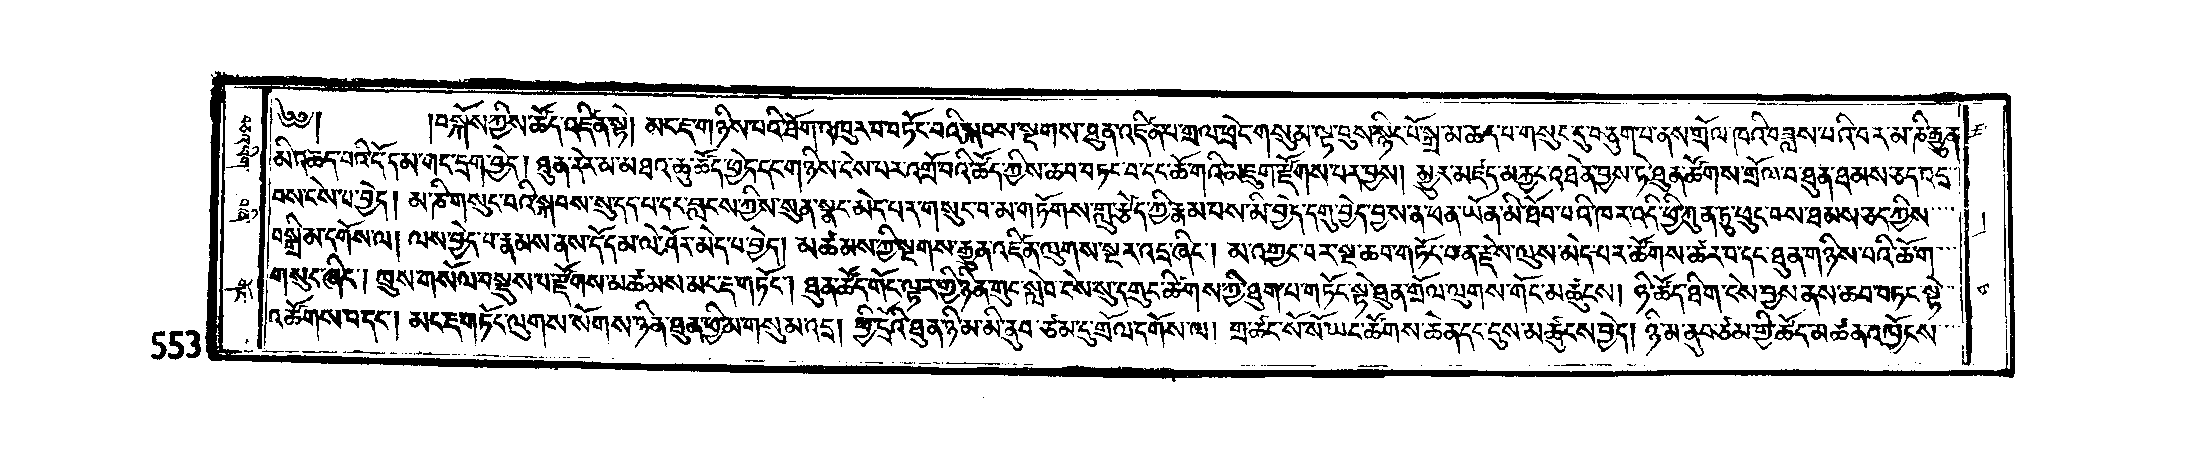༄༅། །བསྐོས་ཀྱིས་ཚོད་འཛིན་སྟེ། མང་ཇ་གཉིས་པའི་ཐོག་འཁུར་བ་བཏོང་བའི་སྐབས་སྔགས་ཐུན་འཛིན་པ་གྲལ་ཕྲེང་གསུམ་ལྟ་བུས་སྙིང་པོ་སྒྲ་མ་ཆད་པ་གསུང་དུ་བཅུག་པ་ནས་གྲོལ་ཁའི་བཟླས་པའི་བར་མ་ཎི་རྒྱུན་
མི་འཆད་པའི་དོ་དམ་གང་དྲག་བྱེད། ཐུན་རེར་མ་མཐའ་ཆུ་ཚོད་ཕྱེད་དང་གཉིས་ངེས་པར་འགྲོ་བའི་ཚོད་ཀྱིས་ཆབ་བཏང་བ་དང་ཆོ་གའི་མཇུག་རྫོགས་པར་བྱས། མྱུར་མཛད་མ་རྐྱང་འཐེན་བྱས་ཏེ་ཐུན་ཚོགས་གྲོལ་བ་ཐུན་ཐམས་ཅད་འདྲ་
བས་ངེས་པ་བྱེད། མ་ཎྀ་གསུང་བའི་སྐབས་སུ་དད་པ་དང་བླངས་ཀྱིས་སུན་སྣང་མེད་པར་གསུང་བ་མ་གཏོགས་གླུ་རྩེད་ཀྱི་རྣམ་པས་མི་བྱེད་དགུ་བྱེད་བྱས་ན་ཕན་ཡོན་མི་ཐོབ་པའི་ཁར་འདི་ཕྱི་ཀུན་ཏུ་ཕུང་བས་ཐམས་ཅད་ཀྱིས་
བསྒྲིམ་དགོས་ལ། ལས་བྱེད་པ་རྣམས་ནས་དོ་དམ་ལེ་ཤོར་མེད་པ་བྱེད། མཚམས་ཀྱི་སྔགས་རྒྱུན་འཛིན་ལུགས་སྔར་འདྲ་ཞིང་། མ་འགྱང་བར་སྔ་ཆབ་གཏོང་བ་ན་རྗེས་ལུས་མེད་པར་ཚོགས་ཚར་བ་དང་ཐུན་གཉིས་པའི་ཆོ་ག་
གསུང་ཞིང་། ཁྲུས་གསོལ་བསྡུས་པ་རྫོགས་མཚམས་མང་ཇ་གཏོང་། ཐུན་ཚོད་གོང་ལྟར་གྱི་ཉིན་གུང་སླེབ་ངེས་སུ་དགུང་ཚིགས་ཀྱི་ཐུག་པ་གཏོང་སྟེ་ཐུན་གྲོལ་ལུགས་གོང་མཚུངས། ཉི་ཚོད་ཐིག་ངེས་བྱས་ནས་ཆབ་བཏང་སྟེ་
འཚོགས་པ་དང་། མང་ཇ་གཏོང་ལུགས་སོགས་ཉིན་ཐུན་ཕྱི་མ་གསུམ་འདྲ། ཕྱི་དྲོའི་ཐུན་ཉི་མ་མི་ནུབ་ཙམ་དུ་གྲོལ་དགོས་ལ། གྲ་ཚང་སོ་སོ་ཡང་ཚོགས་ཆེན་དང་དུས་མཚུངས་བྱེད། ཉི་མ་ནུབ་ཙམ་གྱི་ཚོད་མཚན་འཁྱོངས་